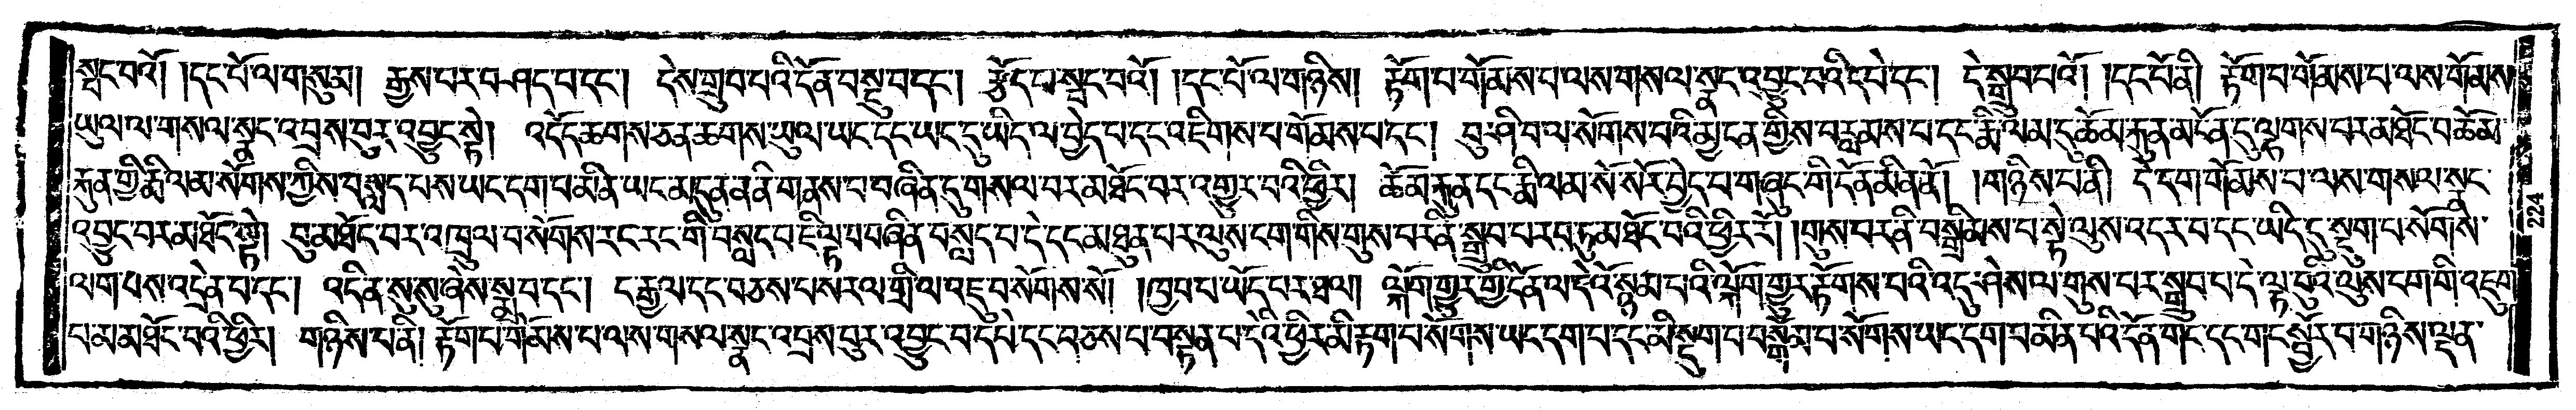སྤང་བའོ། །དང་པོ་ལ་གསུམ། རྒྱས་པར་བཤད་པ་དང་། དེས་གྲུབ་པའི་དོན་བསྡུ་བ་དང་། རྩོད་པ་སྤང་བའོ། །དང་པོ་ལ་གཉིས། རྟོག་པ་གོམས་པ་ལས་གསལ་སྣང་འབྱུང་བའི་དཔེ་དང་། དེ་སྒྲུབ་པའོ། །དང་པོ་ནི། རྟོག་པ་གོམས་པ་ལས་གོམས་
ཡུལ་ལ་གསལ་སྣང་འབྲས་བུར་འབྱུང་སྟེ། འདོད་ཆགས་ཅན་ཆགས་ཡུལ་ཡང་དང་ཡང་དུ་ཡིད་ལ་བྱེད་པ་དང་འཇིགས་པ་གོམས་དང་། བུ་ཤི་བ་ལ་སོགས་པའི་མྱ་ངན་གྱིས་བརླམས་པ་དང་རྨི་ལམ་དུ་ཆོམ་རྐུན་མངོན་དུ་ལྷག་པར་མཐོང་བ་ཆོམ་
རྐུན་གྱི་རྨི་ལམ་སོགས་ཀྱིས་བསླད་པས་ཡང་དག་པ་མིན་ཡང་མདུན་ན་ནི་གནས་པ་བཞིན་དུ་གསལ་བར་མཐོང་བར་འགྱུར་བའི་ཕྱིར། ཆོམ་རྐུན་དང་རྨི་ལམ་སོ་སོར་བྱེད་པ་གཞུང་གི་དོན་མིན་ནོ། །གཉིས་པ་ནི། དེ་དག་གོམས་པ་ལས་གསལ་སྣང་
འབྱུང་བར་མཐོང་སྟེ། བུ་མཐོང་བར་འཁྲུལ་བ་སོགས་རང་རང་གི་བསླད་པ་ཇི་ལྟ་བ་བཞིན་བསླད་པ་དེ་དང་མཐུན་པར་ལུས་ངག་གིས་གུས་པར་ནི་སྒྲུབ་པ་རབ་ཏུ་མཐོང་བའི་ཕྱིར་རོ། །གུས་པར་ནི་བསྒྲིམས་པ་སྟེ་ལུས་འདར་བ་དང་ཡིད་དུ་སྡུག་པ་སོགས་
ལག་པས་འདྲེན་པ་དང་། འདི་ན་སུ་སུ་ཞེས་སྨྲ་བ་དང་། ང་རྒྱལ་དང་བཅས་པས་རལ་གྲི་ལ་འཇུ་བ་སོགས་སོ། །ཁྱབ་པ་ཡོད་པར་ཐལ། ལྐོག་གྱུར་གྱི་དོན་ལ་དེའོ་སྙམ་པའི་ལྐོག་གྱུར་རྟོགས་པའི་འདུ་ཤེས་ལ་གུས་པར་སྒྲུབ་པ་དེ་ལྟ་བུའི་ལུས་ངག་གི་འཇུག་
པ་མ་མཐོང་བའི་ཕྱིར། གཉིས་པ་ནི། རྟོག་པ་གོམས་པ་ལས་གསལ་སྣང་འབྲས་བུར་འབྱུང་བ་དཔེ་དང་བཅས་པ་བསྟན་པ་དེའི་ཕྱིར་མི་རྟག་པ་སོགས་ཡང་དག་པ་དང་མི་སྡུག་པ་བསྒོམ་པ་སོགས་ཡང་དག་པ་མིན་པའི་དོན་གང་དང་གང་སྦྱོར་བ་གཉིས་ལྡན་